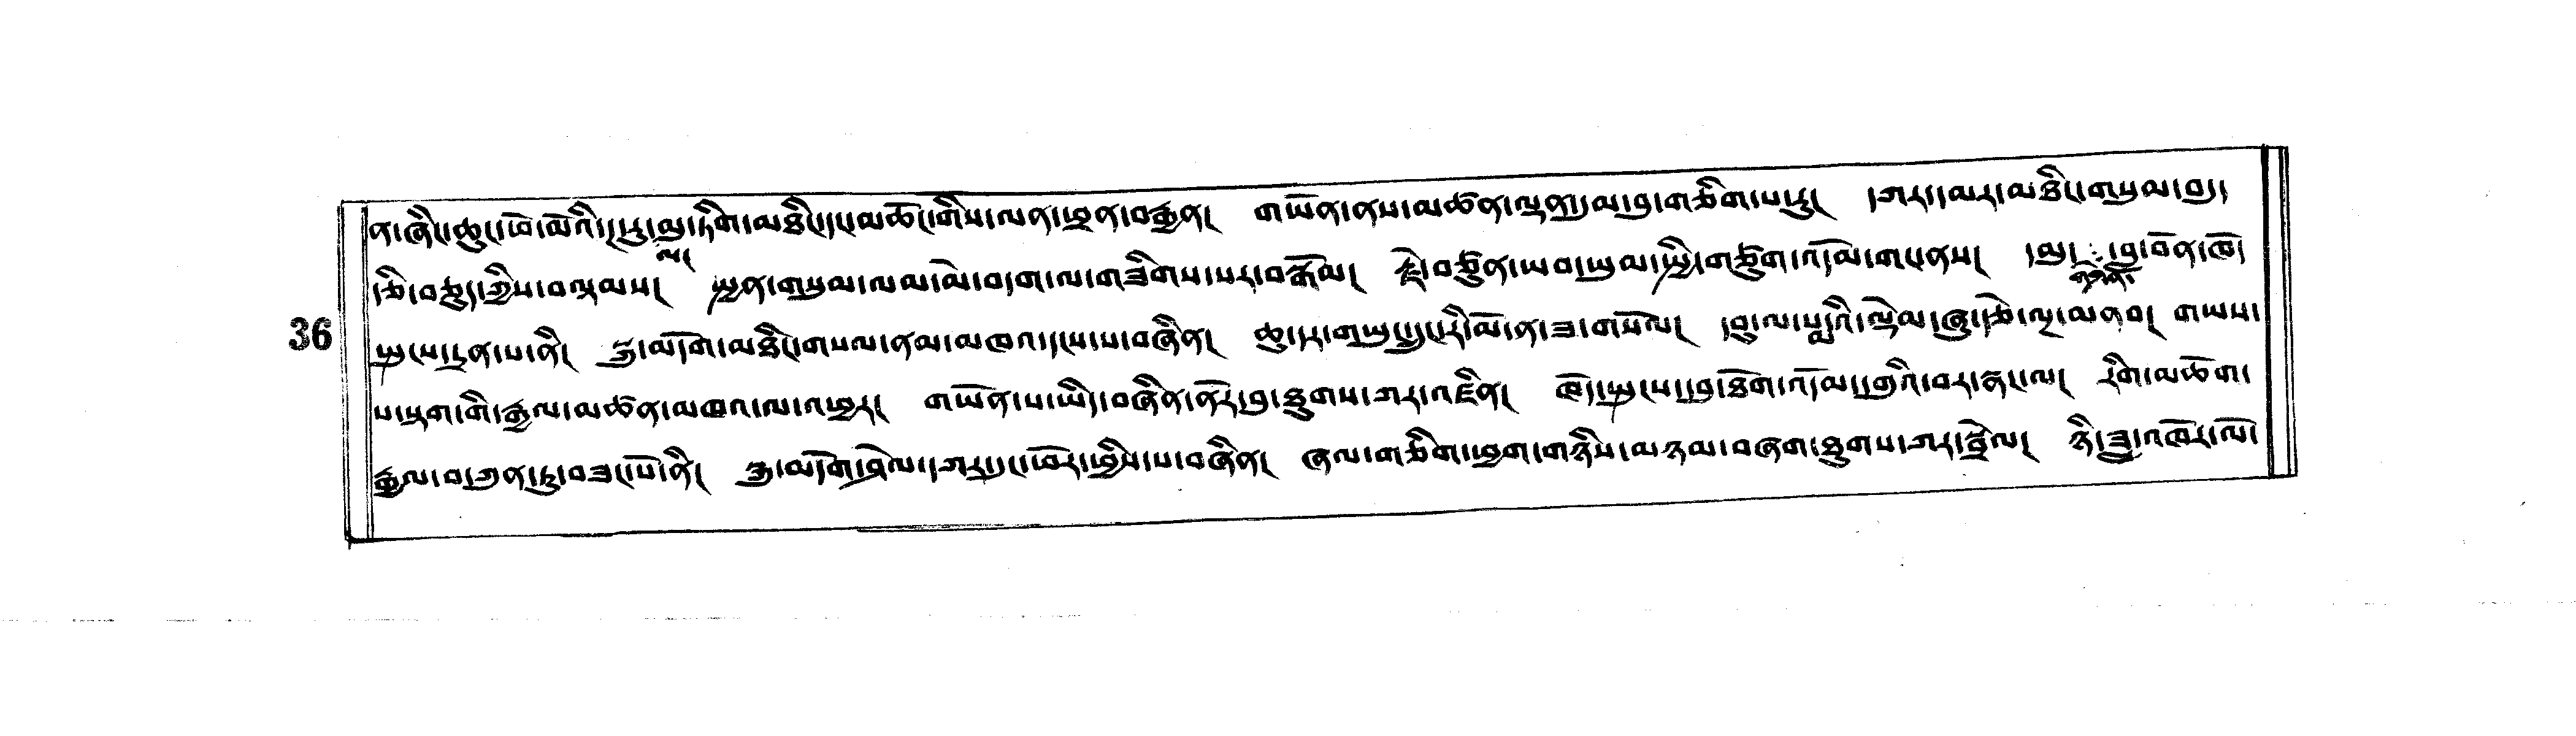ན་ཞིང་ཆུང་ཕོ་མོའི་ཌ་རུ་ལ། མུ་ཏིག་མཐིང་དང་མཆོང་གི་ལན་ཕྲན་བརྒྱན། གཡོན་ནས་མཚན་ལྡན་དུམ་བུ་གཅིག་པ་རུ། དཀར་དམར་མཐིང་གསུམ་བདུད་
རྩི་བཅུད་ཀྱིས་བལྟམས། སྤྱན་གསུམ་ལམ་མེ་བདག་ལ་གཟིགས་པར་བསྒོམ། རྗེ་བཙུན་ཡབ་ཡུམ་སྤྱི་གཙུག་འདོམ་གང་ནས། དམུ་གཤེན་བླ་བོན་ཁོད་
སྤུངས་དྲན་པ་ནི། སྐུ་མདོག་མཐིང་གསལ་ནམ་མཁའ་དངས་པ་བཞིན། ཆུ་དར་གཡུང་དྲུང་རི་མོ་ན་བཟའ་གསོལ། དབུ་ལ་པད་མའི་ལྡེམ་ཞུ་རྩེ་ལྔ་མནབས། གཡས་
པ་སྟག་གི་རྒྱལ་མཚན་མཁའ་ལ་ཕྱར། གཡོན་པ་ཡིད་བཞིན་ནོར་བུ་ཐུགས་ཀར་འཛིན། ཁོད་སྤུངས་དབུ་ཐོག་འདོམ་དགུའི་བར་སྣང་ལ། རིག་མཆོག་
རྒྱལ་བ་ཀུན་ཏུ་བཟང་པོ་ནི། སྐུ་མདོག་ཤེལ་དཀར་དུང་ཕོར་ཕྱིས་པ་བཞིན། ཞལ་གཅིག་ཕྱག་གཉིས་མཉམ་གཞག་ཐུགས་ཀར་སྦྲེལ། ཉི་ཟླ་འཁོར་ལོ་(37